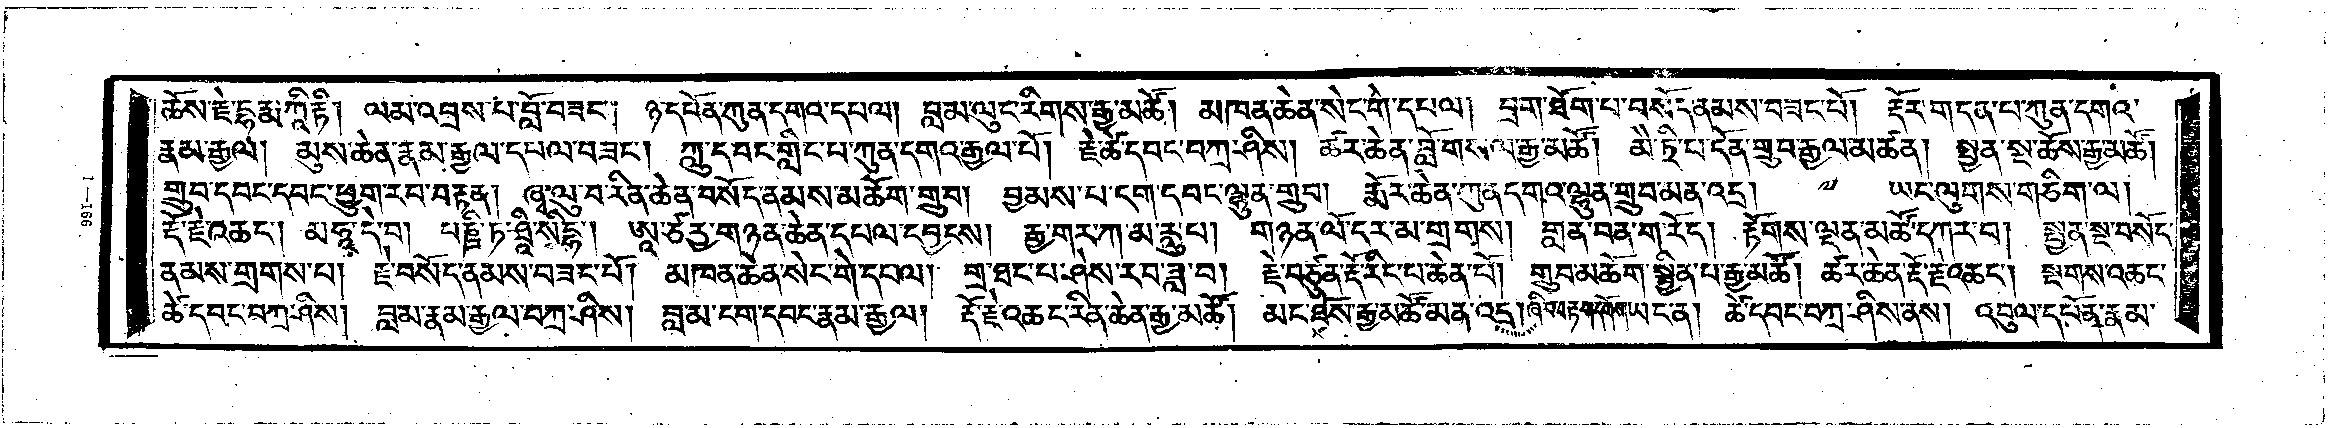ཆོས་རྗེ་དྷརྨ་ཀཱིརྟི། ལམ་འབྲས་པ་བློ་བཟང་། ཉ་དཔོན་ཀུན་དགའ་དཔལ། བླ་མ་ལུང་རིགས་རྒྱ་མཚོ། མཁན་ཆེན་སེང་གེ་དཔལ། བྲག་ཐོག་པ་བསོད་ནམས་བཟང་པོ། རྡོར་གདན་པ་ཀུན་དགའ་
རྣམ་རྒྱལ། མུས་ཆེན་རྣམ་རྒྱལ་དཔལ་བཟང་། ཀླུ་དབང་གླིང་པ་ཀུན་དགའ་རྒྱལ་པོ། རྗེ་ཚེ་དབང་བཀྲ་ཤིས། ཚར་ཆེན་བློ་གསལ་རྒྱ་མཚོ། མཻ་ཏྲི་པ་དོན་གྲུབ་རྒྱལ་མཚན། སྤྱན་སྔ་ཆོས་རྒྱ་མཚོ།
གྲུབ་དབང་དབང་ཕྱུག་རབ་བརྟན། ཞྭ་ལུ་བ་རིན་ཆེན་བསོད་ནམས་མཆོག་གྲུབ། བྱམས་པ་ངག་དབང་ལྷུན་གྲུབ། རྨོར་ཆེན་ཀུན་དགའ་ལྷུན་གྲུབ་མན་འདྲ། ༧་ཡང་ལུགས་གཅིག་ལ།
རྡོ་རྗེ་འཆང་། མཧཱ་དེ་བ། པཎྜི་ཏ་ཤྲཱི་སིདྡྷ། ཨཱ་ཙརྱ་གཉན་ཆེན་དཔལ་དབྱངས། རྒྱ་གར་ཀ་མ་རཱུ་པ། གཉན་ལོ་ངར་མ་གྲགས། གླན་བན་ག་རོད། རྟོགས་ལྡན་མཚོ་དཀར་བ། སྤྱན་སྔ་བསོད་
ནམས་གྲགས་པ། རྗེ་བསོད་ནམས་བཟང་པོ། མཁན་ཆེན་སེང་གེ་དཔལ། གྲ་ཐང་པ་ཤེས་རབ་ཟླ་བ། རྗེ་བཙུན་རྡོ་རིང་པ་ཆེན་པོ། གྲུབ་མཆོག་སྦྱིན་པ་རྒྱ་མཚོ། ཚར་ཆེན་རྡོ་རྗེ་འཆང་། སྔགས་འཆང་
ཚེ་དབང་བཀྲ་ཤིས། བླ་མ་རྣམ་རྒྱལ་བཀྲ་ཤིས། བླ་མ་ངག་དབང་རྣམ་རྒྱལ། རྡོ་རྗེ་འཆང་རིན་ཆེན་རྒྱ་མཚོ། མང་ཐོས་རྒྱ་མཚོ་མན་འདྲ། ཞིབ་བརྟག་དགོས།  ཡང་ན། ཚེ་དབང་བཀྲ་ཤིས་ནས། འབུལ་དཔོན་རྣམ་